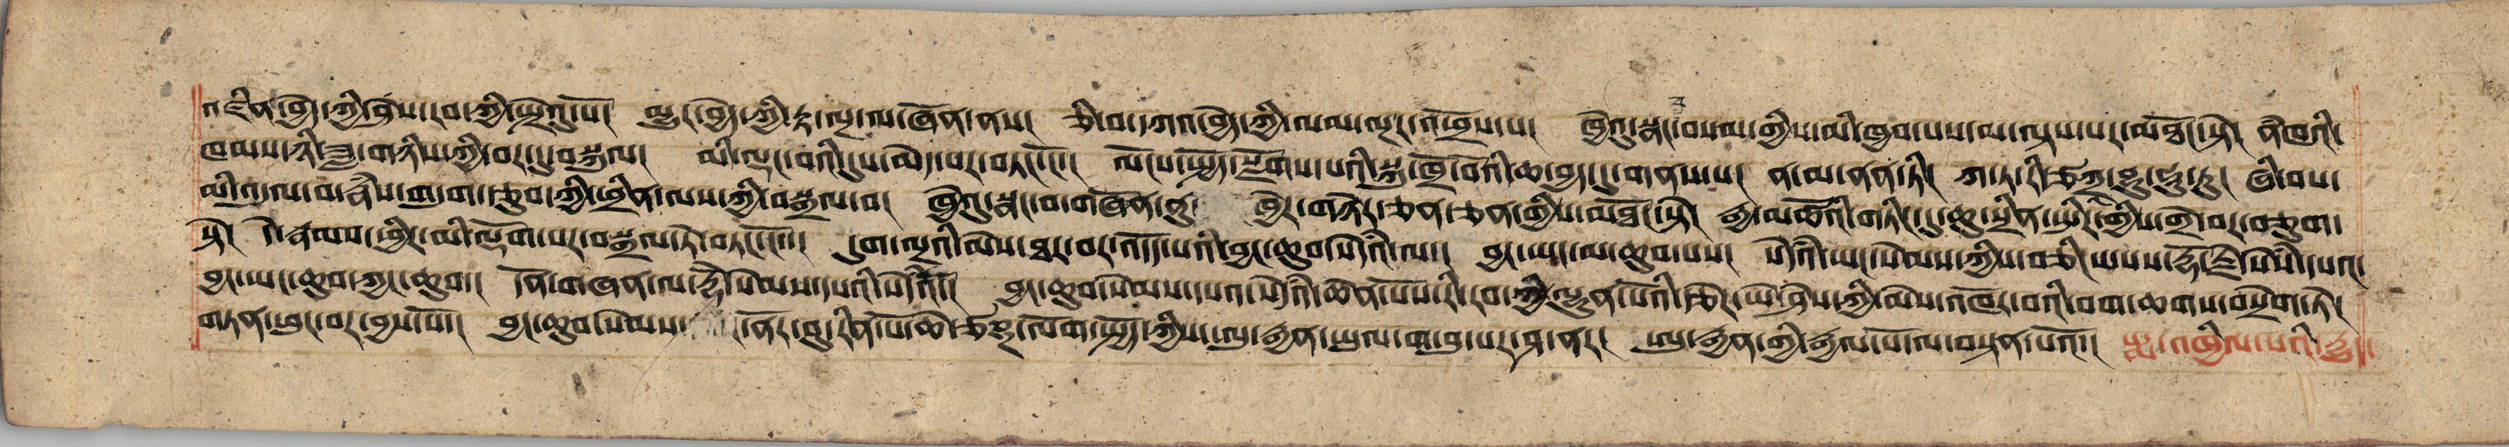འཛིན་བྱེད་ཀྱི་ཤེས་རབ་ཀྱི་སྤྲེའུ་སོ། མྱུར་བྱེད་ཀྱི་རྟ་ལྔ་མ་ཞོན་ནས། ཅི་བ་བཀའ་བྱེད་ཀྱི་ལམ་ལྔར་འཕྲོས་པ། ཁྱེའུ་སྣང་བསམ་གྱིས་མི་ཁྱབ་པས་མ་ལྟས་པར་མཐོང་སྟེ། ནཾཁའི་
ཁམས་ཉི་ཟླ་གཉིས་ཀྱི་བར་དུ་བསྐུལ། མི་ལྡང་བའི་དུས་མེད་པར་བཏང་ངོ་། ལོངས་སྤྱོད་སྫོགས་པའི་སྐུ་ཁྲོ་བོའི་ཆ་བྱད་དུ་གནས་པ། ན་མ་ནན་ཏི། ཀ་ཏ་རི་ཙཀྲ་བྷུ་ཧཱུ་ཏུ། ཞི་བས་
མི་འདུལ་བ་རྣཾས་གདུག་རྩུབ་ཀྱི་ཕྲིན་ལས་ཀྱི་བསྒྲལ་བ། ཁྱེའུ་སྣང་བ་གཞོན་ནུ། ཁྱེར་གཉེར་ཅན་ཅན་གྱིས་མཐོང་སྟེ། རྒྱ་མཚོའི་གཏིང་དུ་ཆུ་སྲིན་སྤིར་གྱིས་གྲེ་བར་བཅུག་
སྟེ། དེ་རྣམས་ཕྱིར་མི་ལྡོག་པར་བསྒྲལ་ཏེ་བཏང་ངོ་་། དུག་ལྔའི་མེས་ཐར་བར་འདོད་པའི་བྱང་ཆུབ་སེཾདའ་ལ་། བྱང་ཡང་མ་ཆུབ་པས། སེཾདའ་ཡང་སེམས་ཀྱིས་བཅིངས་པས་རྡོ་རྗེ་སེཾས་དཔའ་
བྱང་ཡང་ཆུབ་ཀྱང་ཆུབ་། དོན་གཞན་ལ་རྡོེ་སེམས་དཔའི་སེདཾའོ་། བྱང་ཆུབ་སེམས་དཔའ་སེདཾའ་ཆེན་པོས་རི་རབ་ཀྱི་ལྷུན་པོའི་རྩེར་ཡེ་ཤེས་ཀྱི་མེས་འཁོར་བའི་བག་ཆགས་བསྲེག་ཏེ།
གཏན་ཕུང་བར་བྱས་སོ་། བྱང་ཆུབ་སེམས་ནོར་བུ་རིན་པོ་ཆེ་ཙཎྜ་ལོག་སྤྱོད་ཀྱིས་ཨུ་རྒྱན་ཡུལ་ག་བུ་པར་ཤ་ནར། ཨུ་རྒྱན་གྱི་རྒྱལ་པོ་ལ་བསྟན་པའོ་། པདྨ་འཁྱིལ་པའི་དྱུད་